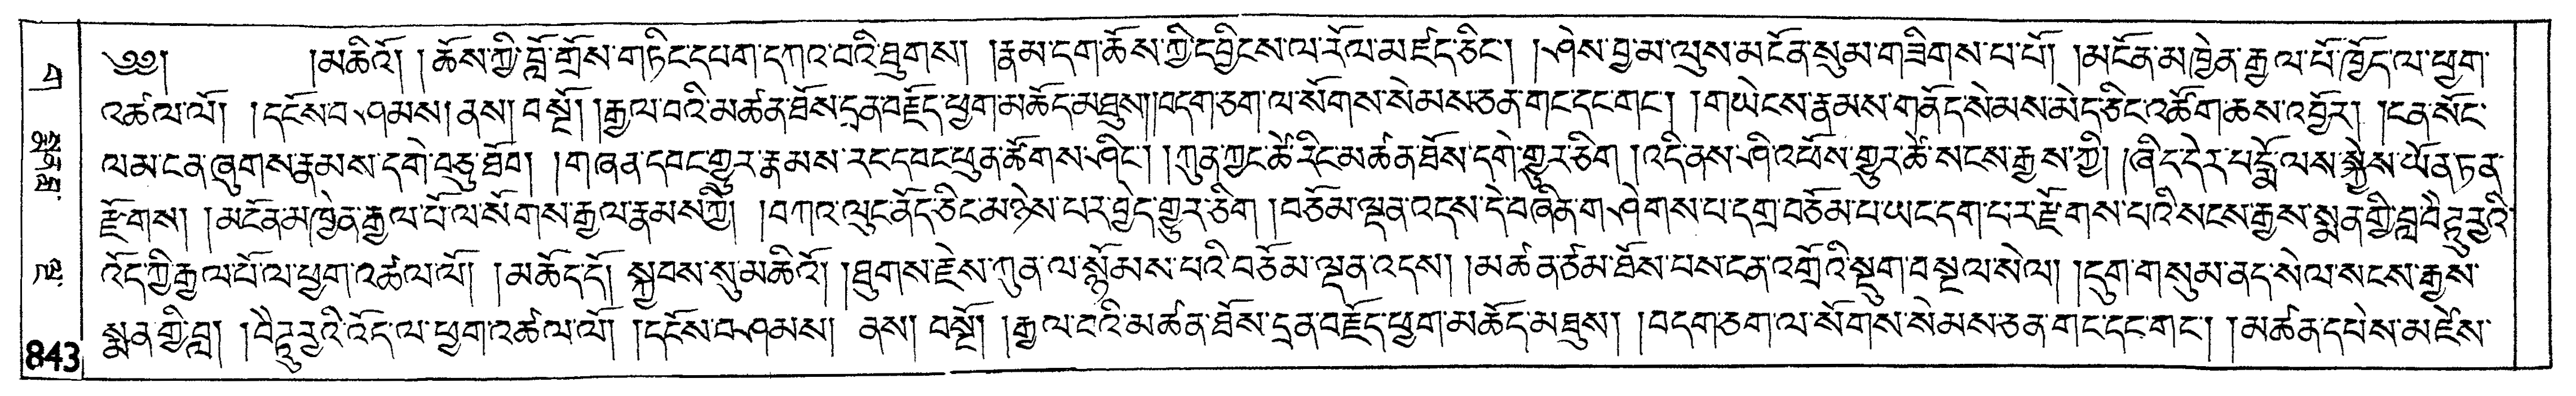༄༅། །མཆིའོ། །ཆོས་ཀྱི་བློ་གྲོས་གཏིང་དཔག་དཀའ་བའི་ཐུགས། །རྣམ་དག་ཆོས་ཀྱི་དབྱིངས་ལ་རོལ་མཛད་ཅིང་། །ཤེས་བྱ་མ་ལུས་མངོན་སུམ་གཟིགས་པ་པོ། །མངོན་མཁྱེན་རྒྱལ་པོ་ཁྱོད་ལ་ཕྱག་
འཚལ་ལོ། །དངོས་བཤམས། ནས། བསྔོ། །རྒྱལ་བའི་མཚན་ཐོས་དྲན་བརྗོད་ཕྱག་མཆོད་མཐུས། །བདག་ཅག་ལ་སོགས་སེམས་ཅན་གང་དང་གང་། །གཡེངས་རྣམས་གནོད་སེམས་མེད་ཅིང་འཚོག་ཆས་འབྱོར། །ངན་སོང་
ལམ་ངན་ཞུགས་རྣམས་དགེ་བཅུ་ཐོབ། །གཞན་དབང་གྱུར་རྣམས་རང་དབང་ཕུན་ཚོགས་ཤིང་། །ཀུན་ཀྱང་ཚེ་རིང་མཚན་ཐོས་དགེ་གྱུར་ཅིག །འདི་ནས་ཤི་འཕོས་གྱུར་ཚེ་སངས་རྒྱས་ཀྱི། །ཞིང་དེར་པདམོ་ལས་སྐྱེས་ཡོན་ཏན་
རྫོགས། །མངོན་མཁྱེན་རྒྱལ་པོ་ལ་སོགས་རྒྱལ་རྣམས་ཀྱི། །བཀའ་ལུང་ནོད་ཅིང་མཉེས་པར་བྱེད་གྱུར་ཅིག །བཅོམ་ལྡན་འདས་དེ་བཞིན་གཤེགས་པ་དགྲ་བཅོམ་པ་ཡང་དག་པར་རྫོགས་པའི་སངས་རྒྱས་སྨན་གྱི་བླ་བཻཌཱུ་རྱའི་
འོད་ཀྱི་རྒྱལ་པོ་ལ་ཕྱག་འཚལ་ལོ། །མཆོད་དོ། སྐྱབས་སུ་མཆིའོ། །ཐུགས་རྗེས་ཀུན་ལ་སྙོམས་པའི་བཅོམ་ལྡན་འདས། །མཚན་ཙམ་ཐོས་པས་ངན་འགྲོའི་སྡུག་བསྔལ་སེལ། །དུག་གསུམ་ནད་སེལ་སངས་རྒྱས་
སྨན་གྱི་བླ། །བཻཌཱུ་རྱའི་འོད་ལ་ཕྱག་འཚལ་ལོ། །དངོས་བཤམས། ནས། བསྔོ། །རྒྱལ་བའི་མཚན་ཐོས་དྲན་བརྗོད་ཕྱག་མཆོད་མཐུས། །བདག་ཅག་ལ་སོགས་སེམས་ཅན་གང་དང་གང་། །མཚན་དཔེས་མཛེས་